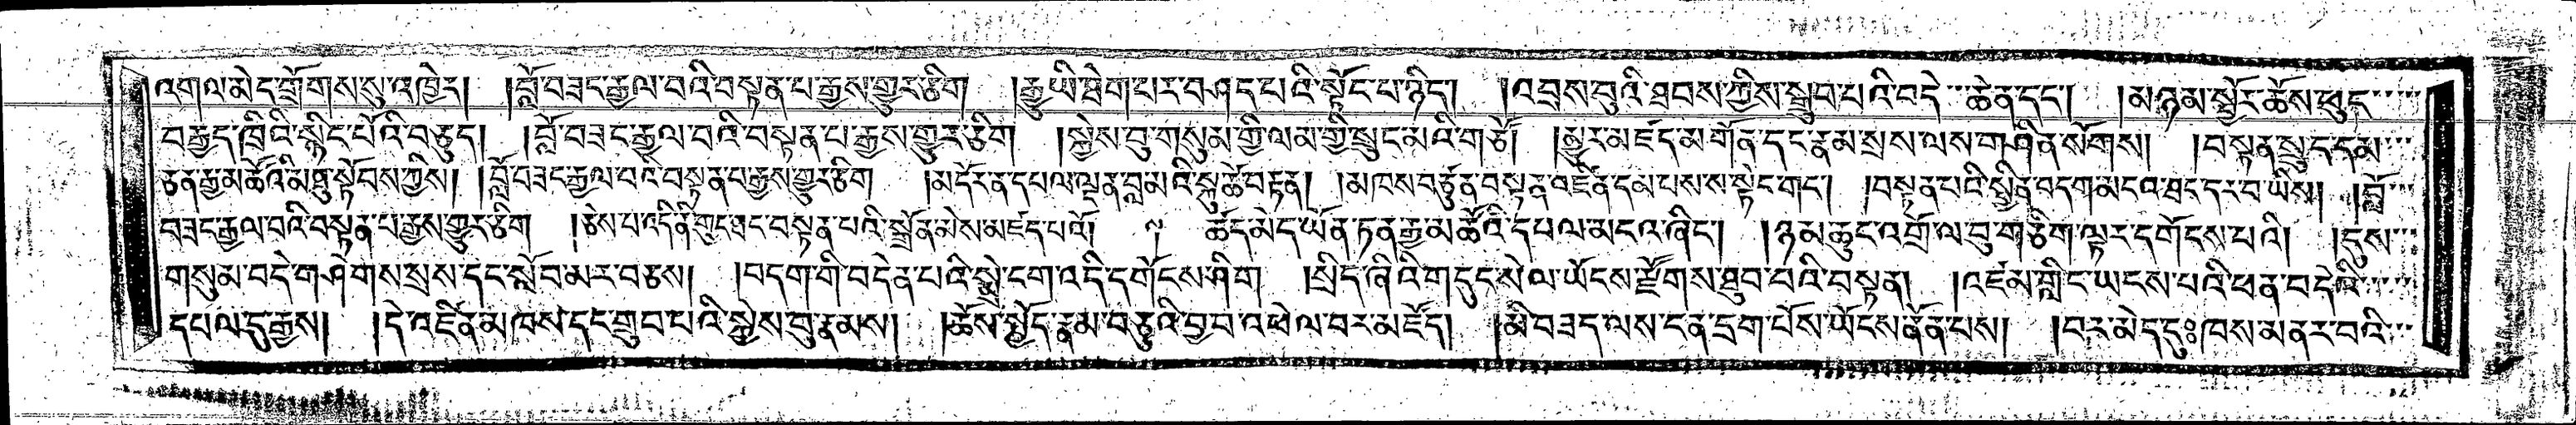འགལ་མེད་གྲོགས་སུ་འཁྱེར། །བློ་བཟང་རྒྱལ་བའི་བསྟན་པ་རྒྱས་གྱུར་ཅིག །རྒྱུ་ཡི་ཐེག་པར་བཤད་པའི་སྟོང་པ་ཉིད། །འབྲས་བུའི་ཐབས་ཀྱིས་སྒྲུབ་པའི་བདེ་ཆེན་དང་། །མཉམ་སྦྱོར་ཆོས་ཕུང་
བརྒྱད་ཁྲིའི་སྙིང་པོའི་བཅུད། །བློ་བཟང་རྒྱལ་བའི་བསྟན་པ་རྒྱས་གྱུར་ཅིག །སྐྱེས་བུ་གསུམ་གྱི་ལམ་གྱི་སྲུང་མའི་གཙོ། །མྱུར་མཛད་མགོན་དང་རྣམ་སྲས་ལས་གཤིན་སོགས། །བསྟན་སྲུང་དམ་
ཅན་རྒྱ་མཚོའི་མཐུ་སྟོབས་ཀྱིས། །བློ་བཟང་རྒྱལ་བའི་བསྟན་པ་རྒྱས་གྱུར་ཅིག །མདོར་ན་དཔལ་ལྡན་བླ་མའི་སྐུ་ཚེ་བརྟན། །མཁས་བཙུན་བསྟན་འཛིན་དམ་པས་ས་སྟེང་གང་། །བསྟན་པའི་སྦྱིན་བདག་མངའ་ཐང་དར་བ་ཡིས། །བློ་
བཟང་རྒྱལ་བའི་བསྟན་པ་རྒྱས་གྱུར་ཅིག །ཅེས་པ་འདི་ནི་གུང་ཐང་བསྟན་པའི་སྒྲོན་མེས་མཛད་པའོ། ༈ ཚད་མེད་ཡོན་ཏན་རྒྱ་མཚོའི་དཔལ་མངའ་ཞིང་། །ཉམ་ཆུང་འགྲོ་ལ་བུ་གཅིག་ལྟར་དགོངས་པའི། །དུས་
གསུམ་བདེ་གཤེགས་སྲས་དང་སློབ་མར་བཅས། །བདག་གི་བདེན་པའི་སྨྲེ་ངག་འདི་དགོངས་ཤིག །སྲིད་ཞིའི་གདུང་སེལ་ཡོངས་རྫོགས་ཐུབ་པའི་བསྟན། །འཛམ་གླིང་ཡངས་པའི་ཕན་བདེའི་
དཔལ་དུ་རྒྱས། །དེ་འཛིན་མཁས་དང་གྲུབ་པའི་སྐྱེས་བུ་རྣམས། །ཆོས་སྤྱོད་རྣམ་བཅུའི་བྱ་བ་འཕེལ་བར་མཛོད། །མི་བཟད་ལས་ངན་དྲག་པོས་ཡོངས་ནོན་པས། །བར་མེད་དུཿ ཁས་མནར་བའི་